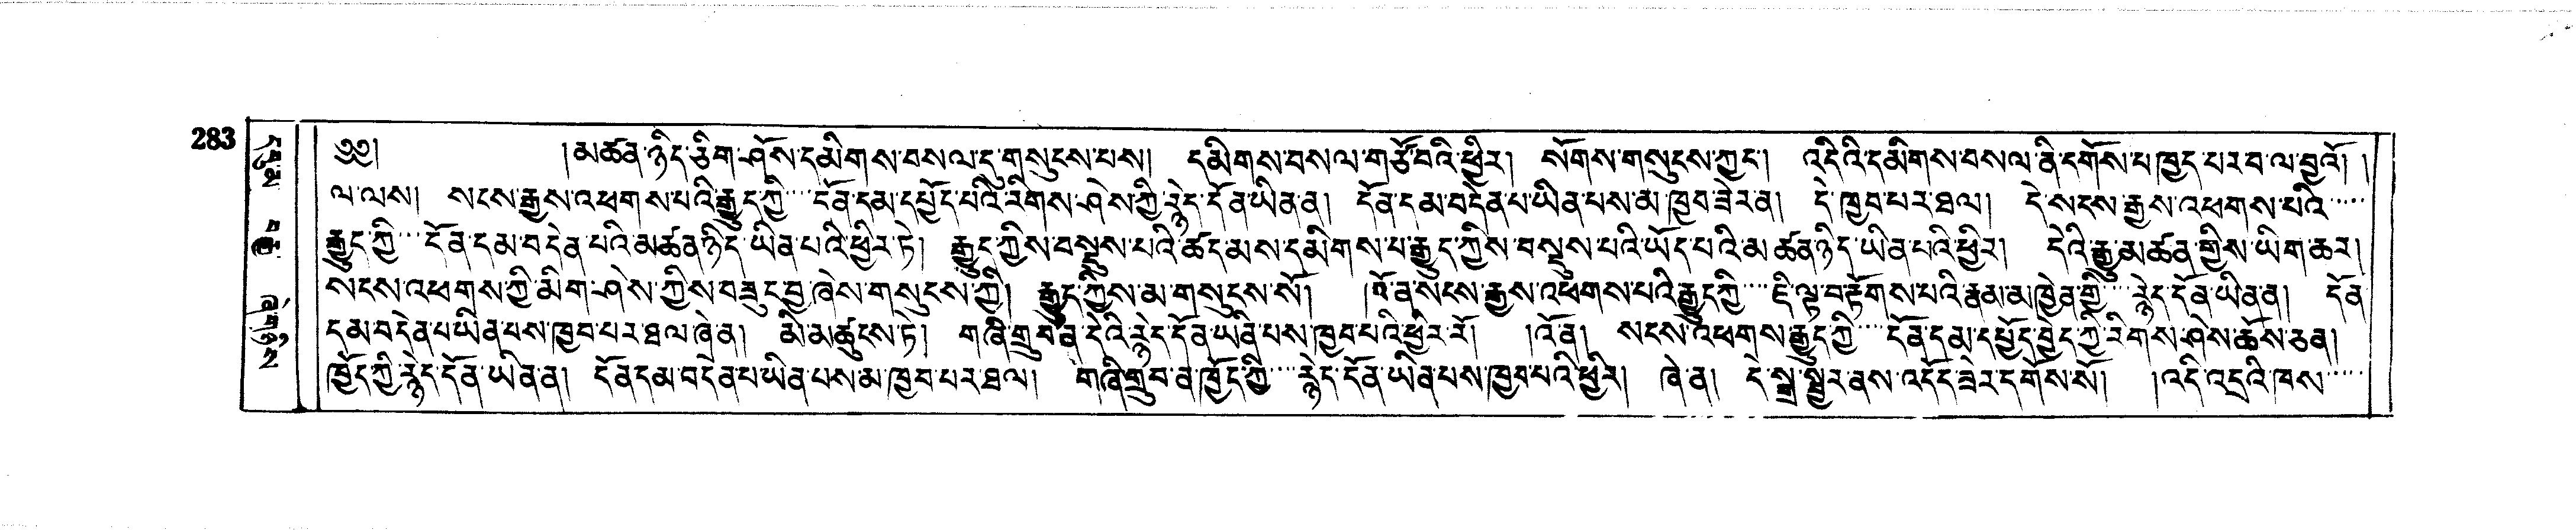༄༅། །མཚན་ཉིད་ཅིག་ཤོས་དམིགས་བསལ་དུ་གསུངས་པས། དམིགས་བསལ་གཙོ་བའི་ཕྱིར། སོགས་གསུངས་ཀྱང་། འདིའི་དམིགས་བསལ་ནི་དགོས་པ་ཁྱད་པར་བ་ལ་བྱའོ། །
ལ་ལས། སངས་རྒྱས་འཕགས་པའི་རྒྱུད་ཀྱི་དོན་དམ་དཔྱོད་པའི་རིགས་ཤེས་ཀྱི་རྙེད་དོན་ཡིན་ན། དོན་དམ་བདེན་པ་ཡིན་པས་མ་ཁྱབ་ཟེར་ན། དེ་ཁྱབ་པར་ཐལ། དེ་སངས་རྒྱས་འཕགས་པའི་
རྒྱུད་ཀྱི་དོན་དམ་བདེན་པའི་མཚན་ཉིད་ཡིན་པའི་ཕྱིར་ཏེ། རྒྱུད་ཀྱིས་བསྡུས་པའི་ཚད་མས་དམིགས་པ་རྒྱུད་ཀྱིས་བསྡུས་པའི་ཡོད་པའི་མཚན་ཉིད་ཡིན་པའི་ཕྱིར། དེའི་རྒྱུ་མཚན་གྱིས་ཡིག་ཆར།
སངས་འཕགས་ཀྱི་མིག་ཤེས་ཀྱིས་བཟུང་བྱ་ཞེས་གསུངས་ཀྱི། རྒྱུད་ཀྱིས་མ་གསུངས་སོ། །འོ་ན་སངས་རྒྱས་འཕགས་པའི་རྒྱུད་ཀྱི་ཇི་ལྟ་བ་རྟོགས་པའི་རྣམ་མཁྱེན་གྱི་རྙེད་དོན་ཡིན་ན། དོན་
དམ་བདེན་པ་ཡིན་པས་ཁྱབ་པར་ཐལ་ཞེ་ན། མི་མཚུངས་ཏེ། གཞི་གྲུབ་ན་དེའི་རྙེད་དོན་ཡིན་པས་ཁྱབ་པའི་ཕྱིར་རོ། །འོ་ན། སངས་འཕགས་རྒྱུད་ཀྱི་དོན་དམ་དཔྱོད་བྱེད་ཀྱི་རིགས་ཤེས་ཆོས་ཅན།
ཁྱོད་ཀྱི་རྙེད་དོན་ཡིན་ན། དོན་དམ་བདེན་པ་ཡིན་པས་མ་ཁྱབ་པར་ཐལ། གཞི་གྲུབ་ན་ཁྱོད་ཀྱི་རྙེད་དོན་ཡིན་པས་ཁྱབ་པའི་ཕྱིར། ཞེ་ན། དེ་སྒྲ་སྦྱར་ནས་འདོད་ཟེར་དགོས་སོ། །འདི་འདྲའི་ཁས་